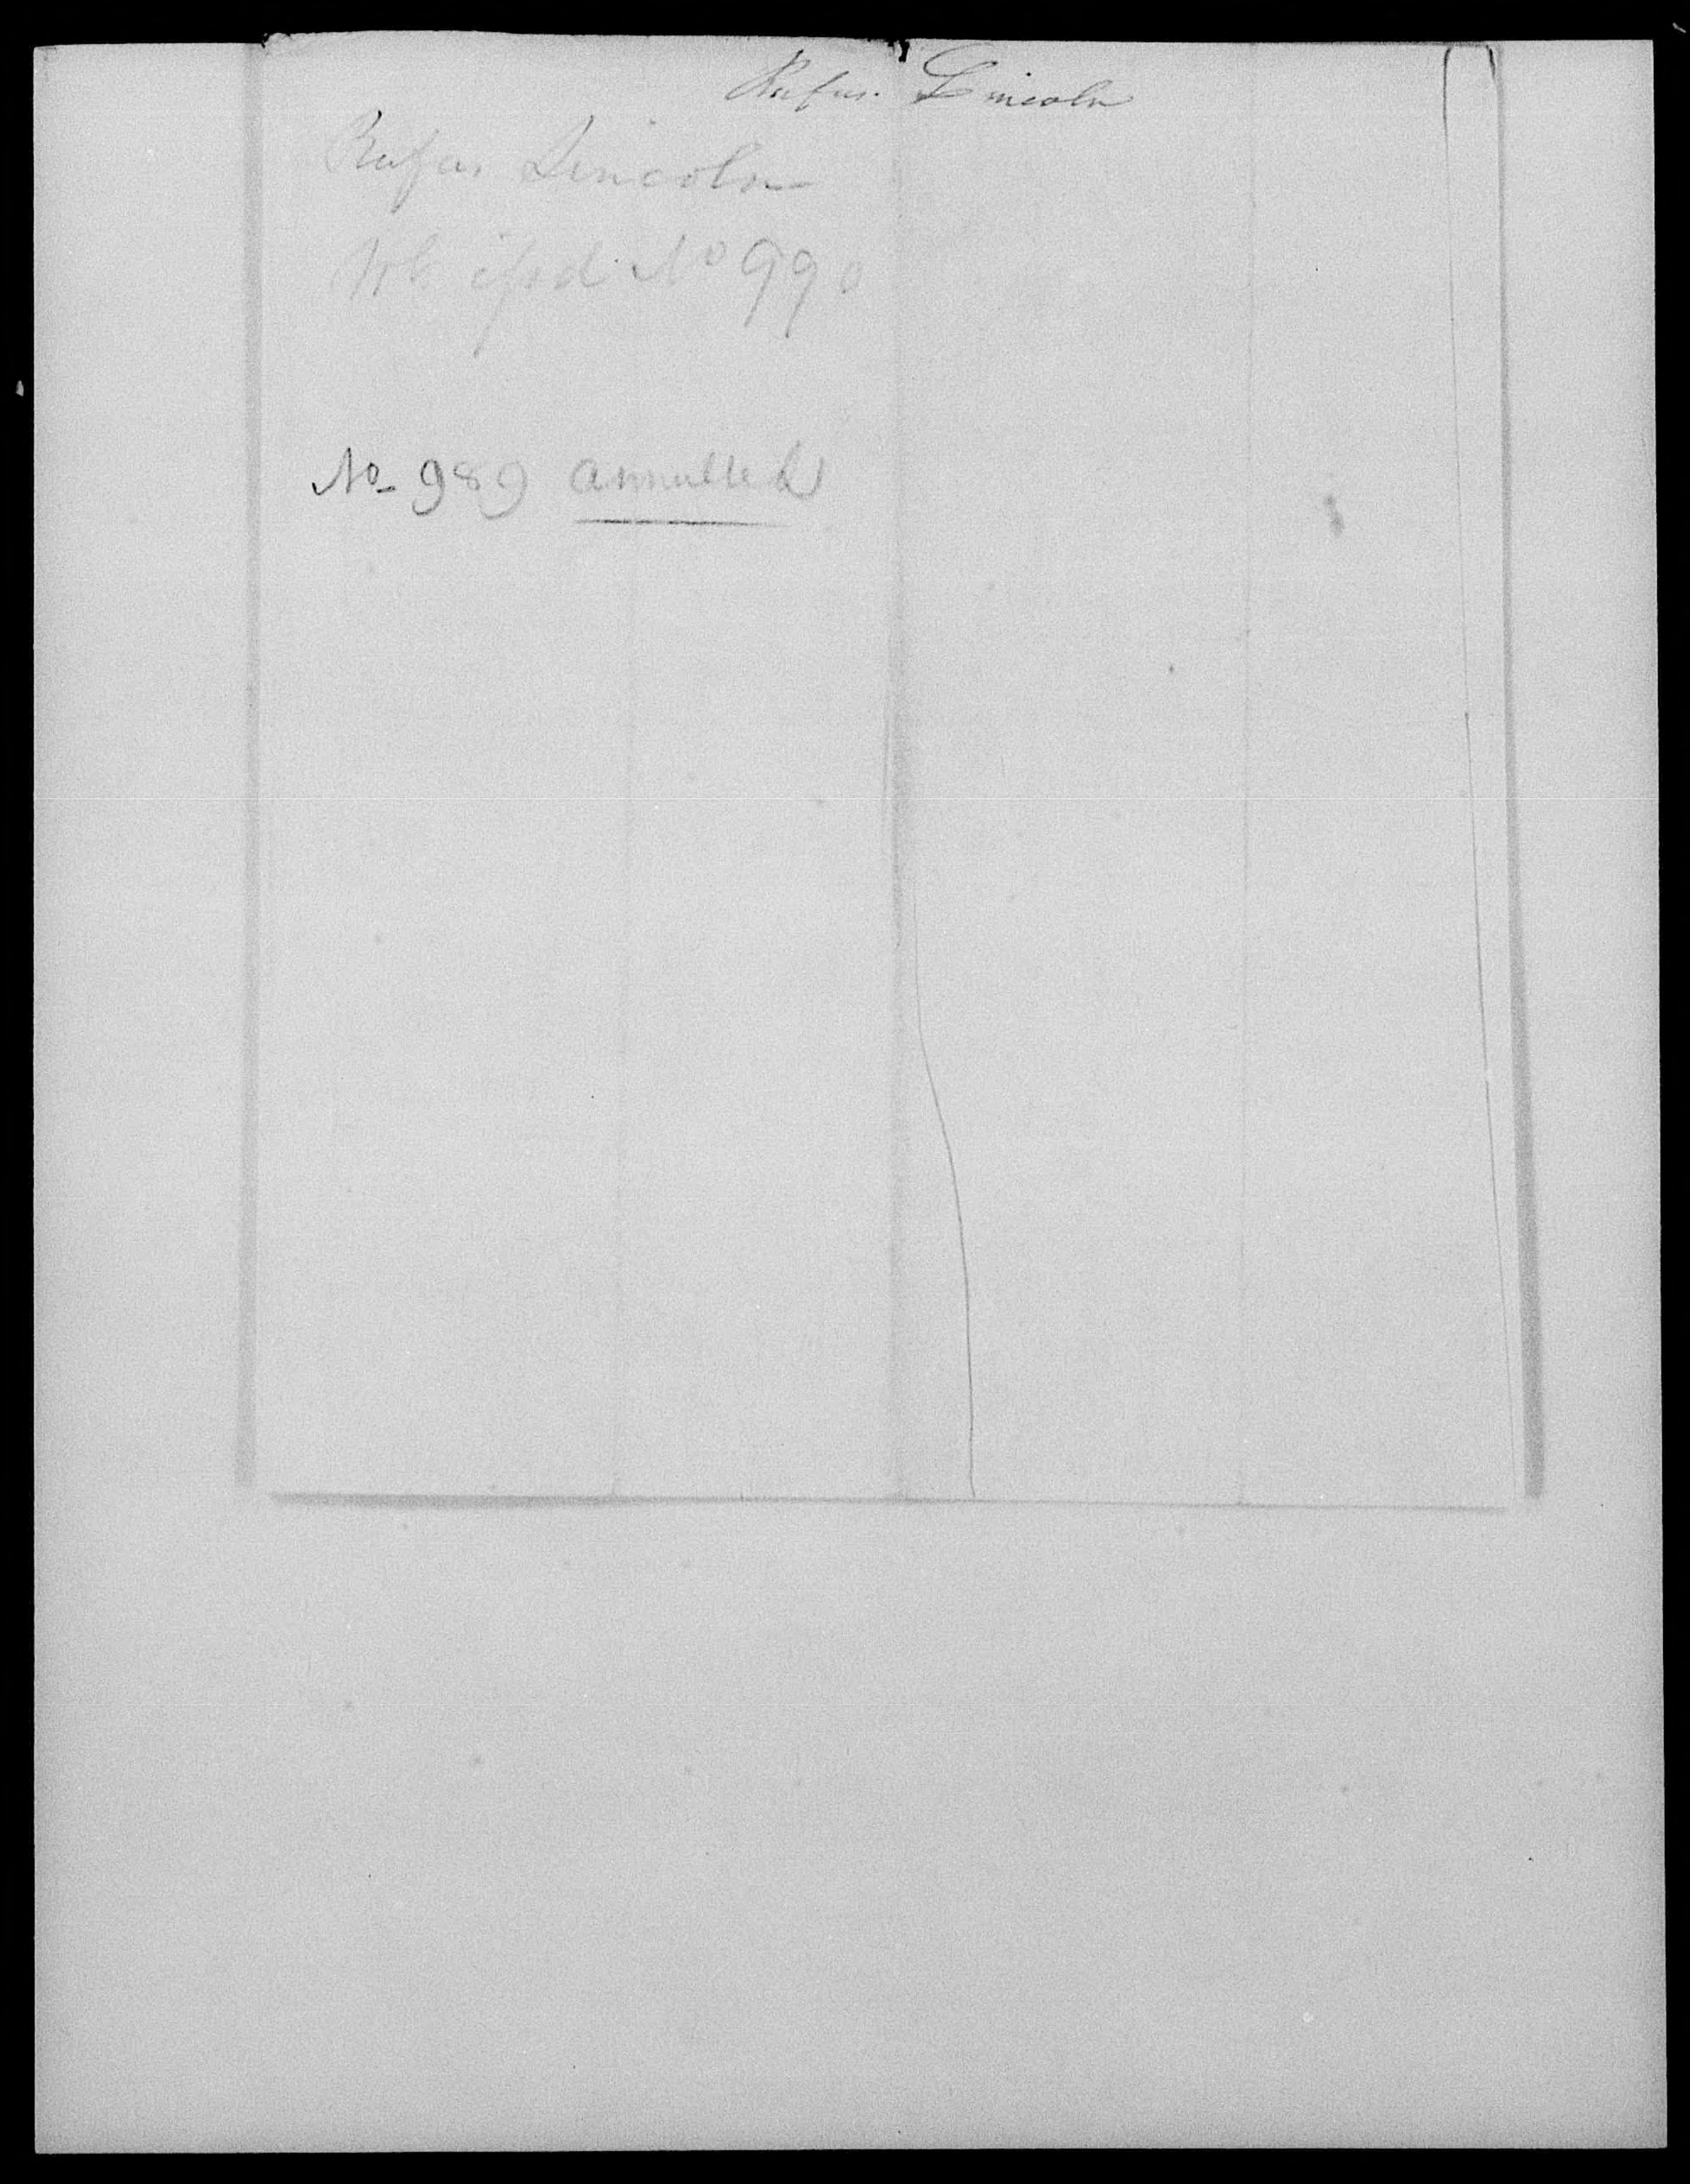Rufus Lincoln
Rufus Lincoln

Notified No 990

No 989 annulled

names: Rufus Lincoln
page: 23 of 82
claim: widow's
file: W. 13,634, for Rufus Lincoln, Massachusetts